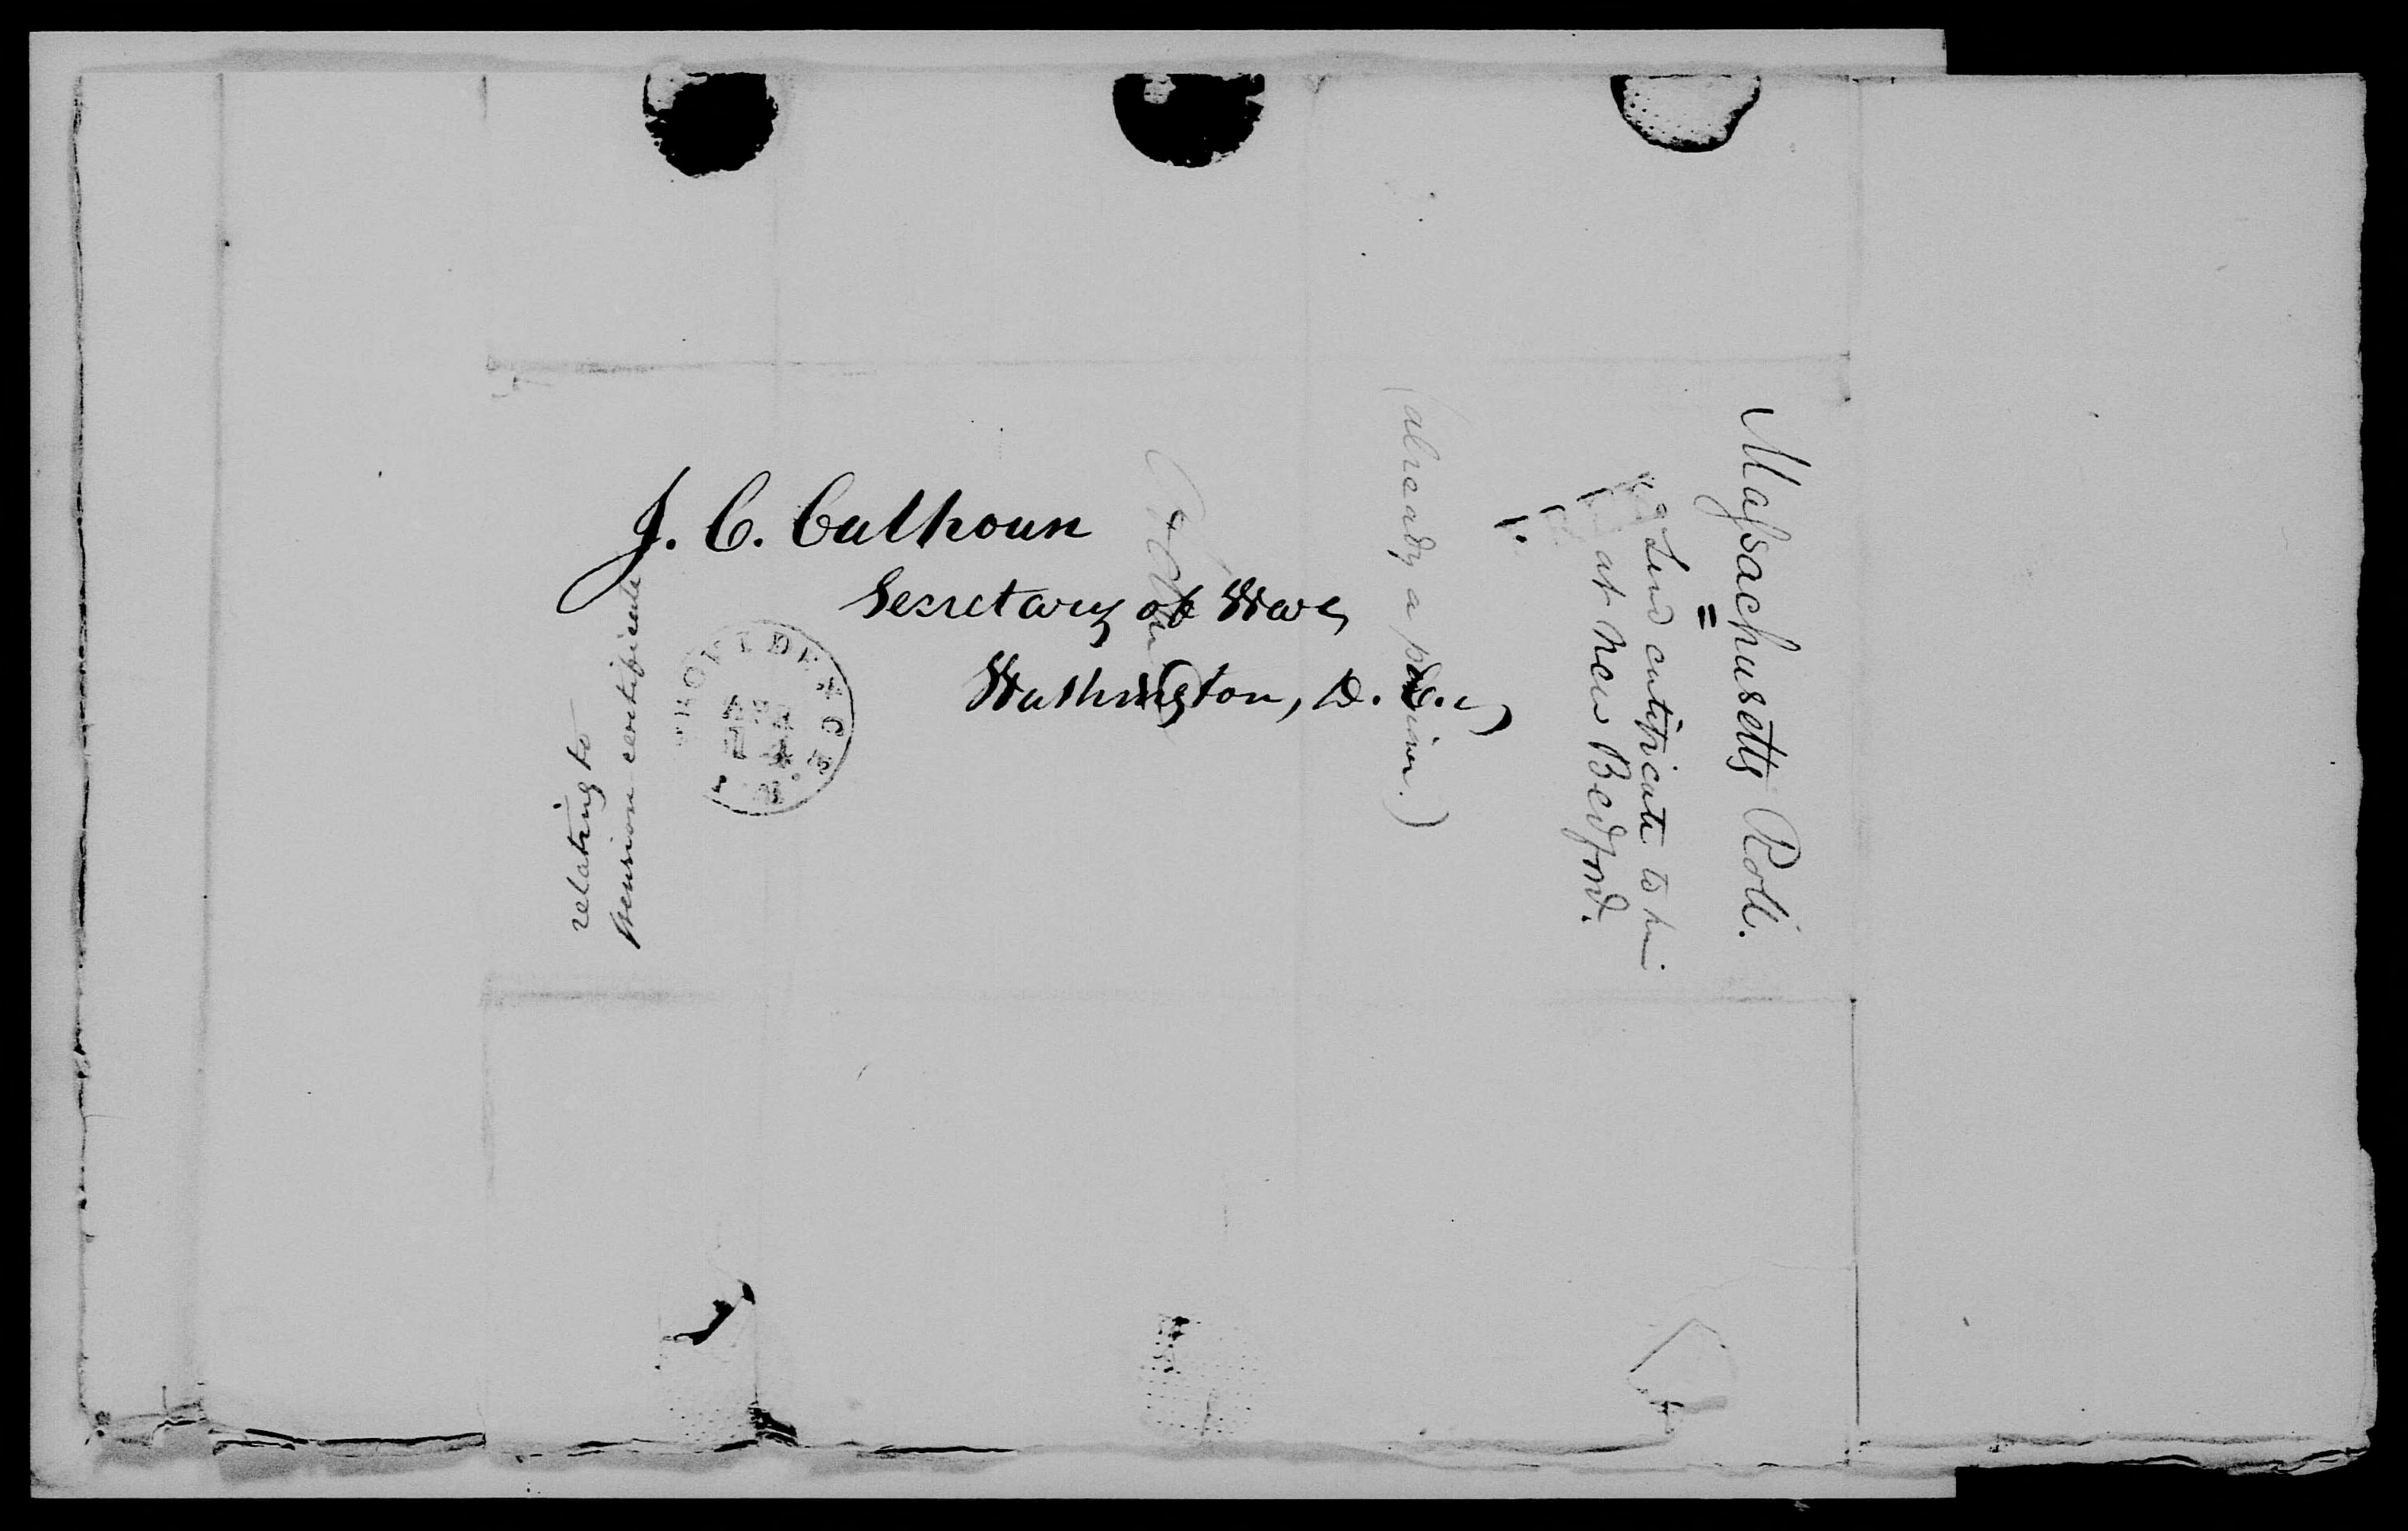J C Calhoun
Secretary of War
Washington D C 
PROVIDENCE R I
APR 14
relating to pension certificate
Massachusetts R I
new certificate to him
at New Bedford
already a pension
FREE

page: 10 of 22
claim: survivor's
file: S 33777, for Noel Taber, Rhode Island